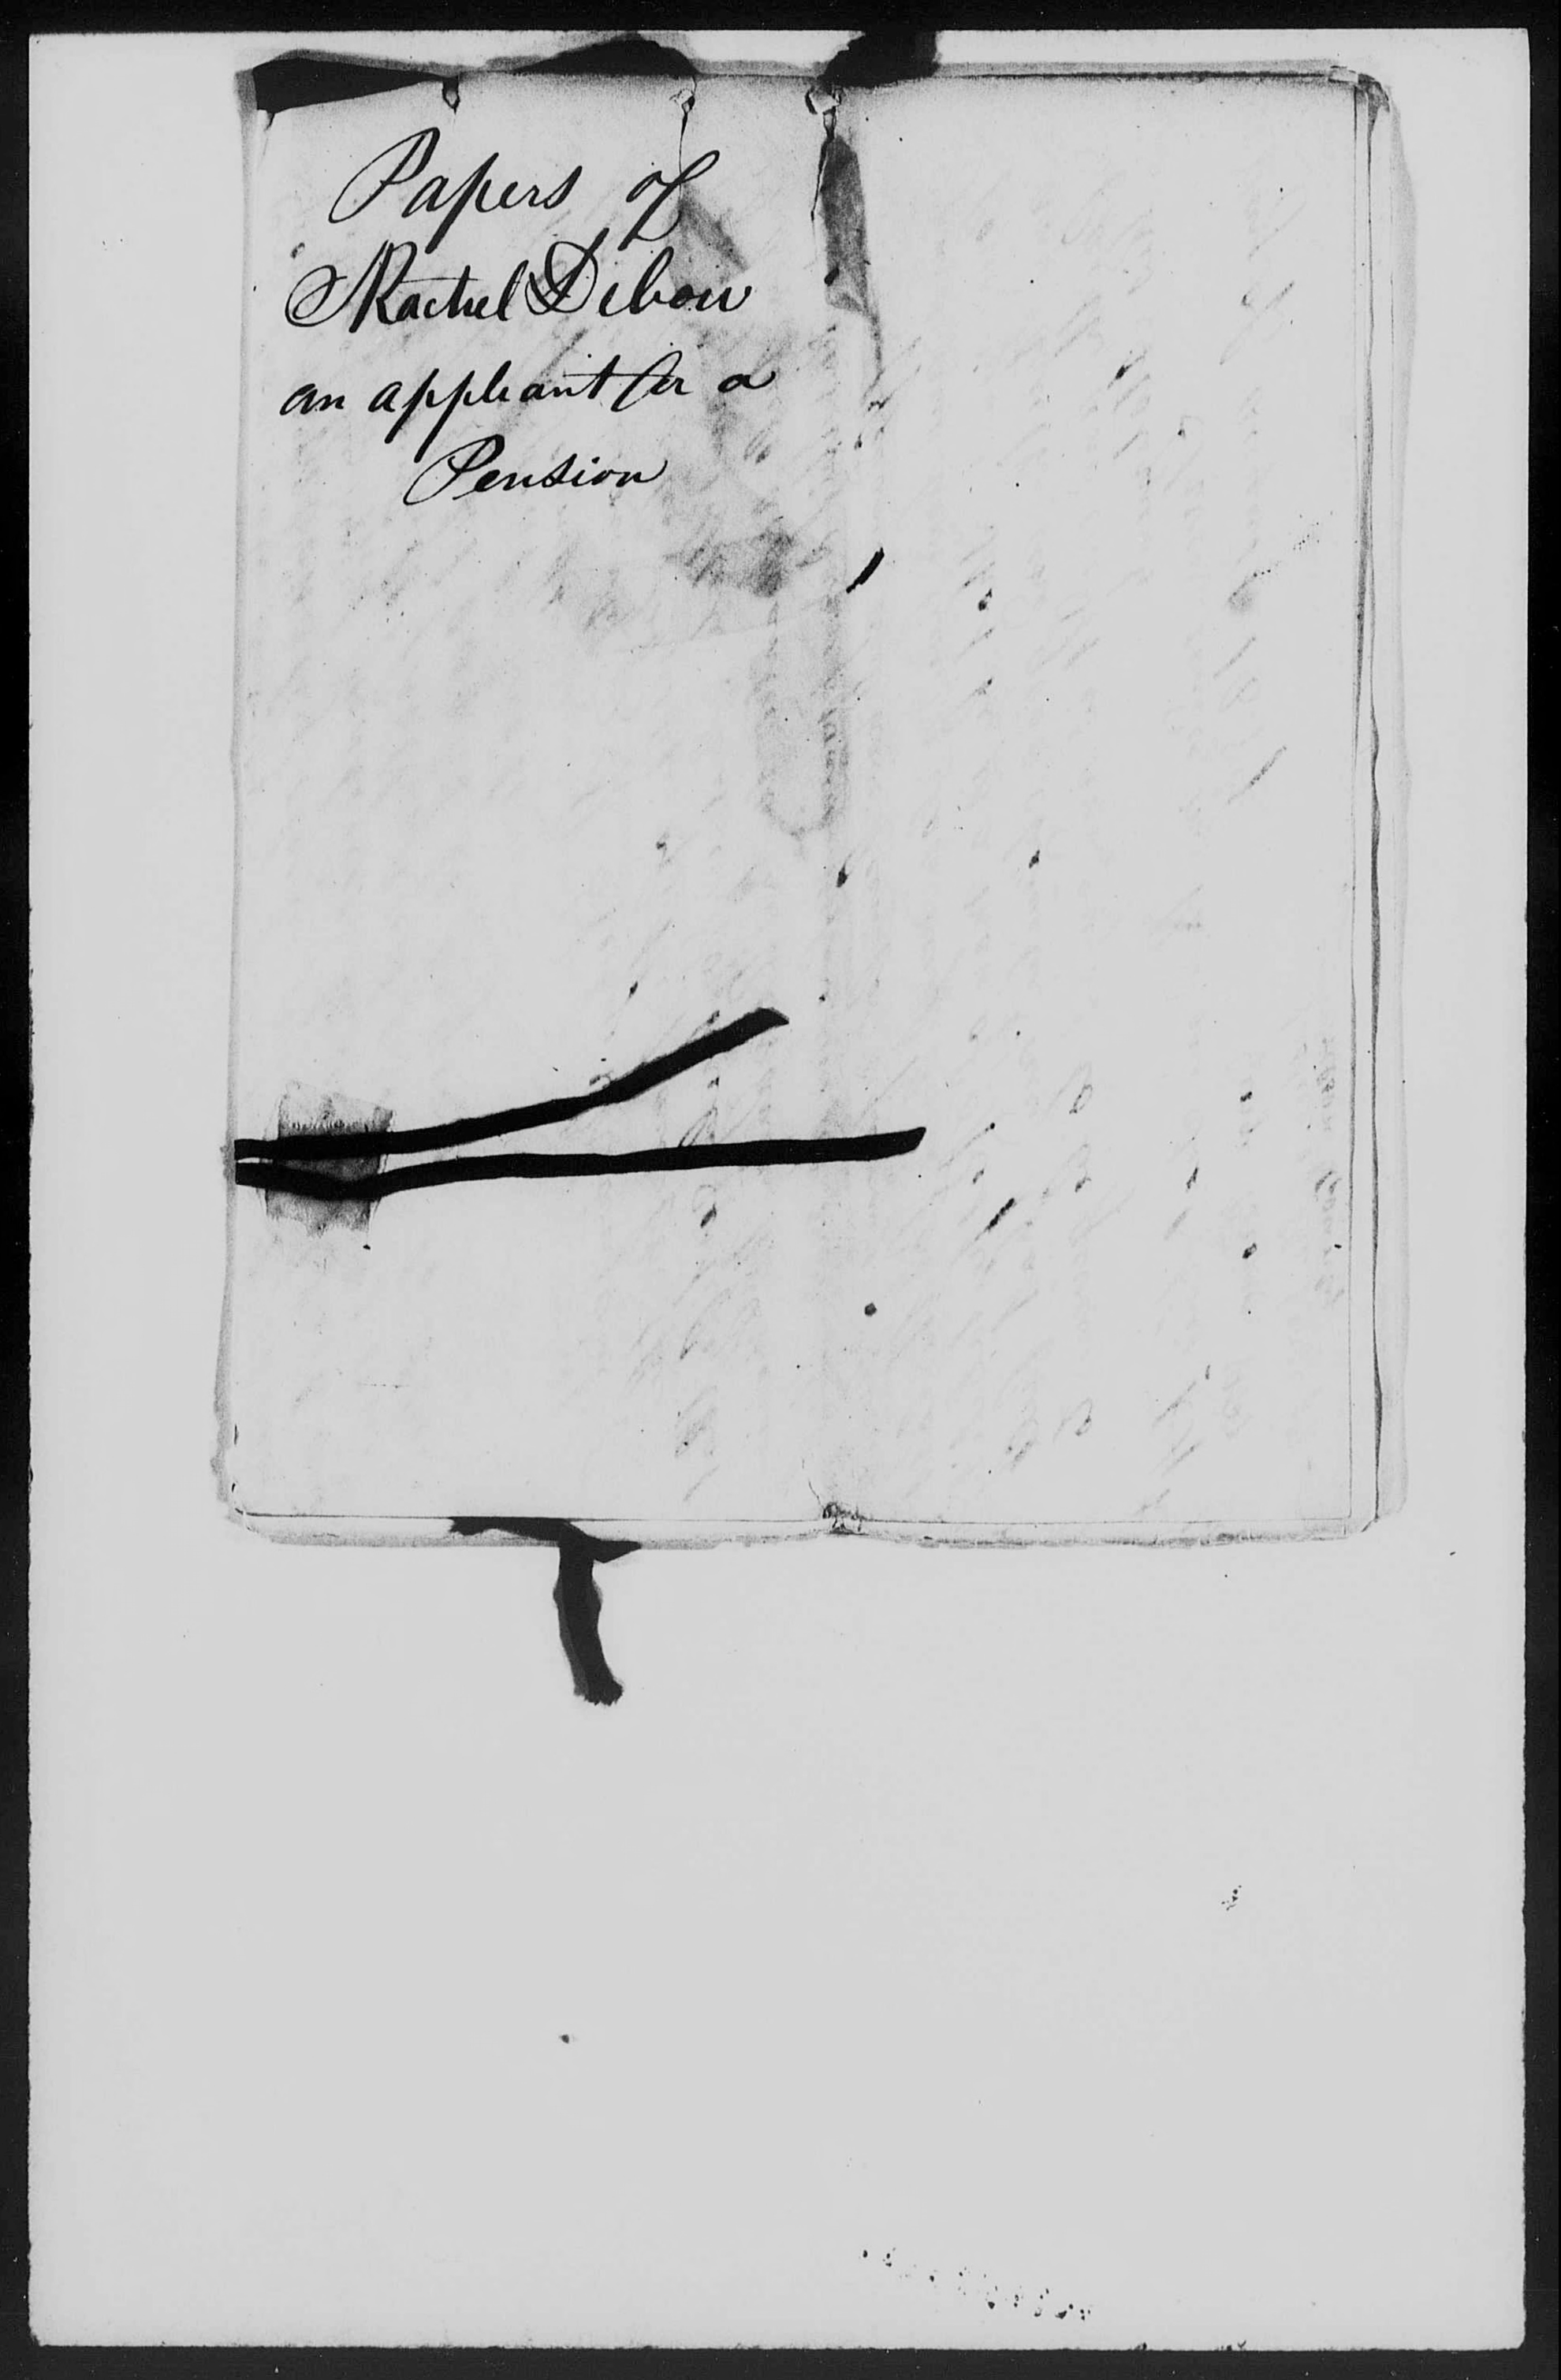Papers of
Rachel Debow
An applicant for a
Pension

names: Rachel Debow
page: 61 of 62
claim: widow's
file: W 7005, Frederick Debow, N.C.